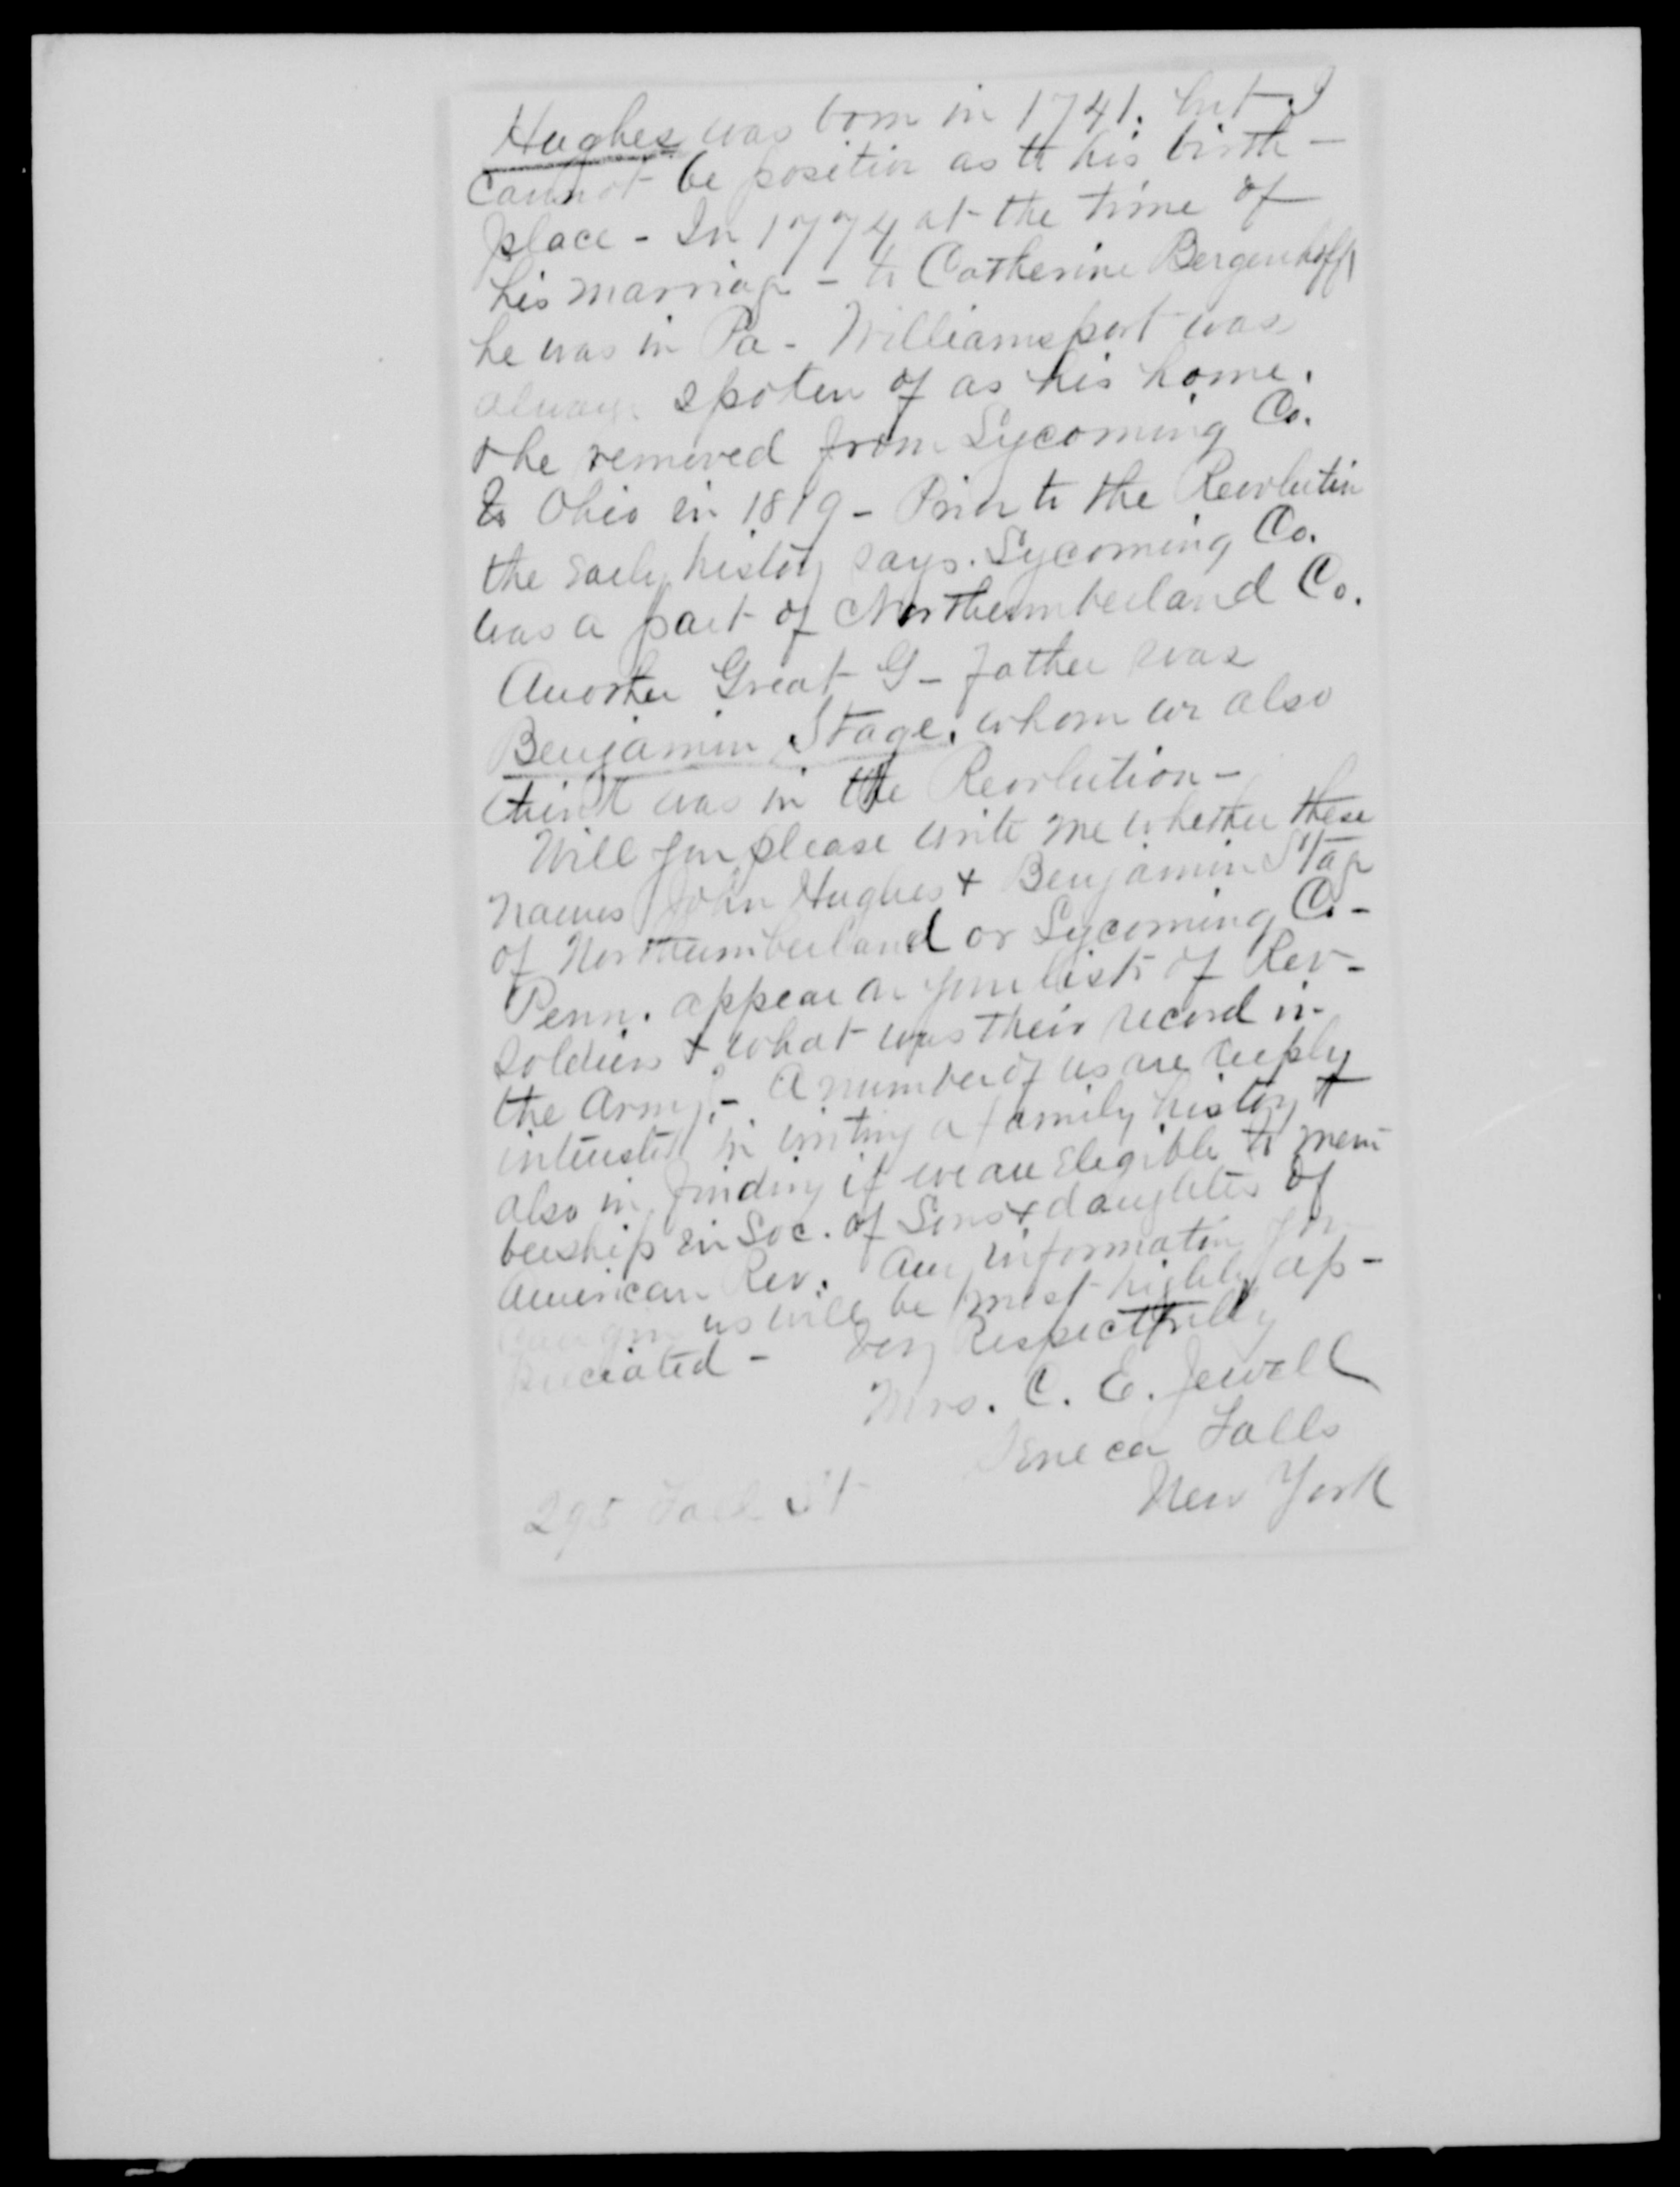Hughes was born in 1741. but I cannot be positive as to his birthplace - In 1774 at the time of his marriage - to Catherine Bergenhoff, he was in Pa - Williamsport was always spoken of as his home. & he removed from Lycoming Co. to Ohio in 1819 - Prior to the Revolution the early history says Lycoming Co. was a part of Northumberland Co. Another Great G- father was Benjamin Stage whom we also think was in the Revolution- Will you please write me whether these names John Hughe & Benjamin Stage of Northumberland or Lycoming Co- Penn. appear on your list of Rev- soldiers & what was their record in the Army? A number of us are deeply interested in writing a family history & also in finding if we are eligible to membership in Soc. of Sons & daughters of American Rev. Any information you can give us will be most highly appreciated - Very Respectfully
Mrs. C. E. Jewell
295 Fall St. Seneca Falls
New York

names: C E Jewell; Benjamin Stage; [BLANK] Hughes; Benjamin Stage; Catherine Bergenhoff; John Hughes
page: 17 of 23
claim: survivor's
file: S. 23008, for Benjamin Stage, New York